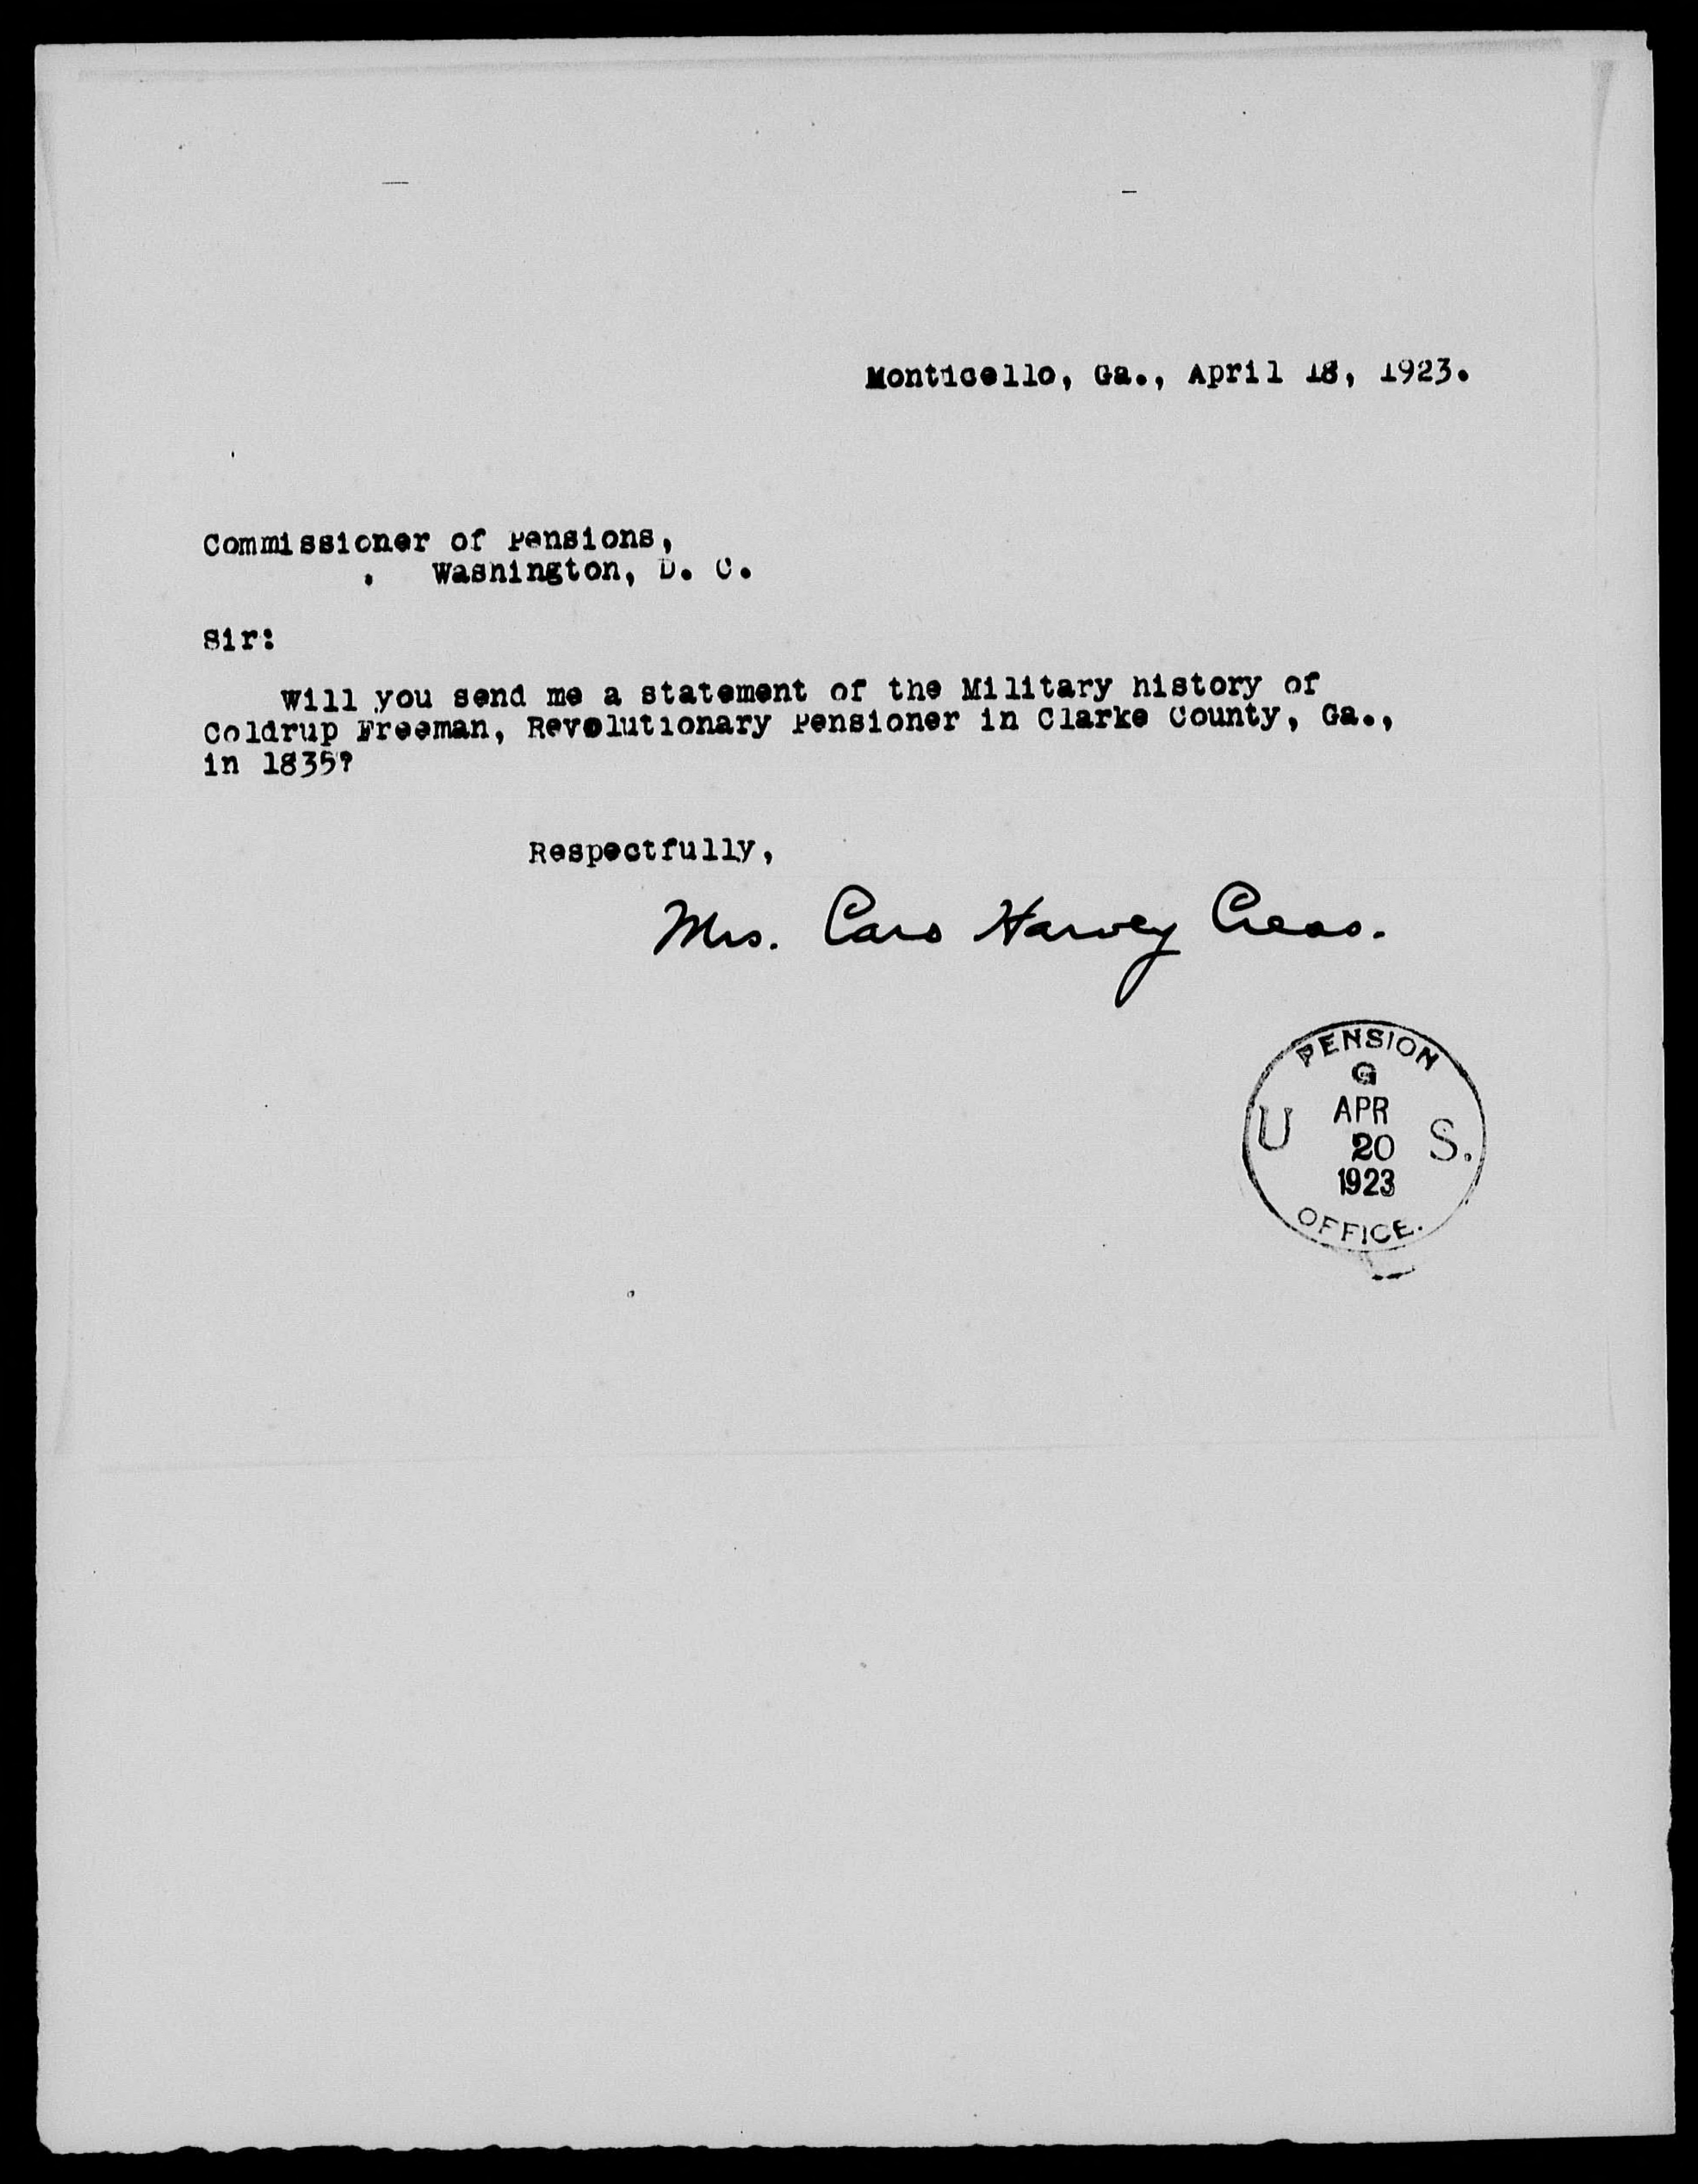Monticello, Ga., April 18, 1923.

Commissioner of Pensions
Washington, D. C.

Sir:

Will you send me a statement of the Military history of Coldrup Freeman, Revolutionary Pensioner in Clarke County, Ga., in 1835?

Respectfully,

Mrs. Caro Harvey Cress.

[round stamp] U. S. PENSION OFFICE APR 20 1923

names: Caro Harvey Crees, Coldrup Freeman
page: 13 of 15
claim: survivor's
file: S. 37,941, Coldrup Freeman, Va.